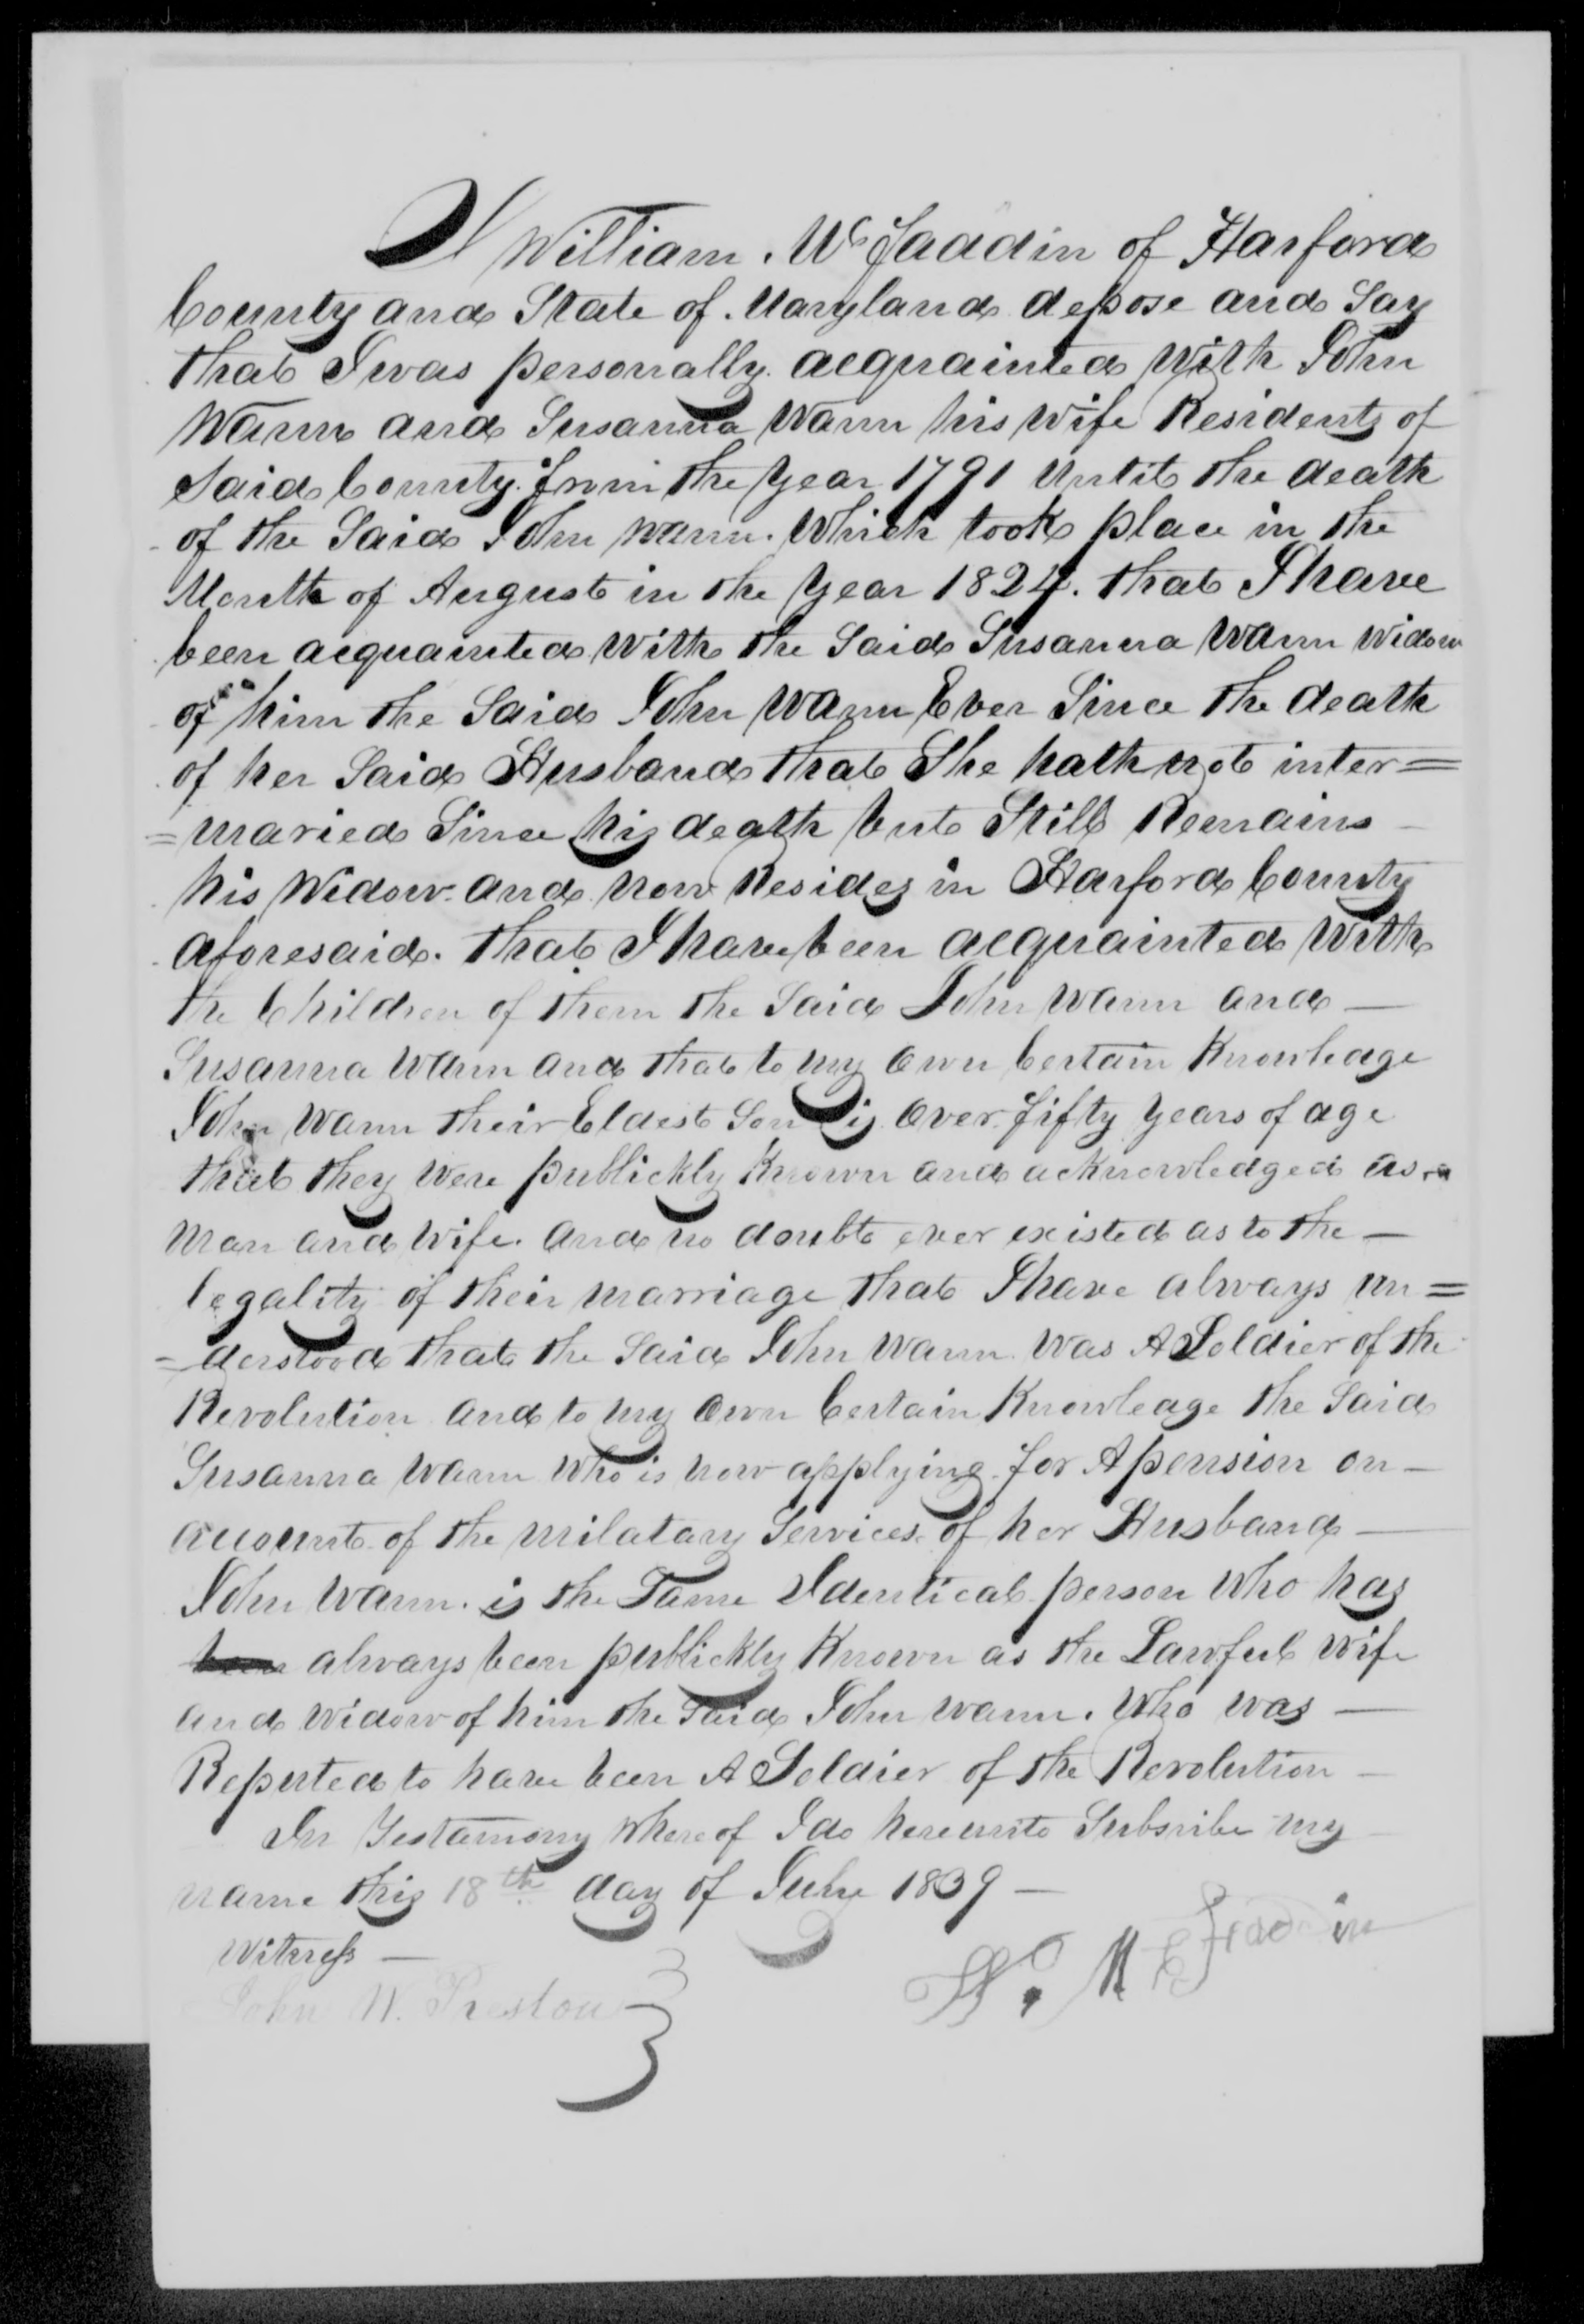I William Mcfaddin of Harford County and State of Maryland depose and say that I was personally acquainted with John Wann and Susanna Wann his wife Residents of Said County from the year 1791 until the death of the said John Wann which took place in the Month of August in the year 1824. that I have been acquainted with the said Susanna Wann Widow of him the Said John Wann Ever since the death of her said Husband that She hath not intermarried Since his death but Still remains his widow and now resides in Harford County aforesaid. that I have been acquainted with the children of them the said John Wann and- Susanna Wann and that to my own Certain Knowledge John Wann their Eldest Son is over fifty years of age that they were publickly [publicly] known and acknowledged as man and wife, and no doubt ever existed as to the legality of their marriage that I have always understood
that the said John Wann was a Soldier of the Revolution and to my own Certain Knowledge the said Susanna Wann who is now applying for a pension on account of the milatary [military] services of her Husband -- John Wann is the same Identical person who has always been publickly [publicly] known as the Lawful wife and widow of him the said John Wann, who was - Reputed to have been a Soldier of the Revolution -
In Testamony [testimony] whereof I do hereunto Subsribe [subscribe] my name this 18th day of July 1839 --
W. Mcfaddin
Witness- John W. Boston}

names: John W Preston, Susanna Wann, John Wann, Susanna Wann, John Wann, John Wann, John Wann, Susanna Wann, William Mcfaddin, Susanna Wann, John Wann, W Mcfaddin, John Wann, John Wann, John Wann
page: 29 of 38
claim: widow's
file: W. 3899, John Wann, Penn.